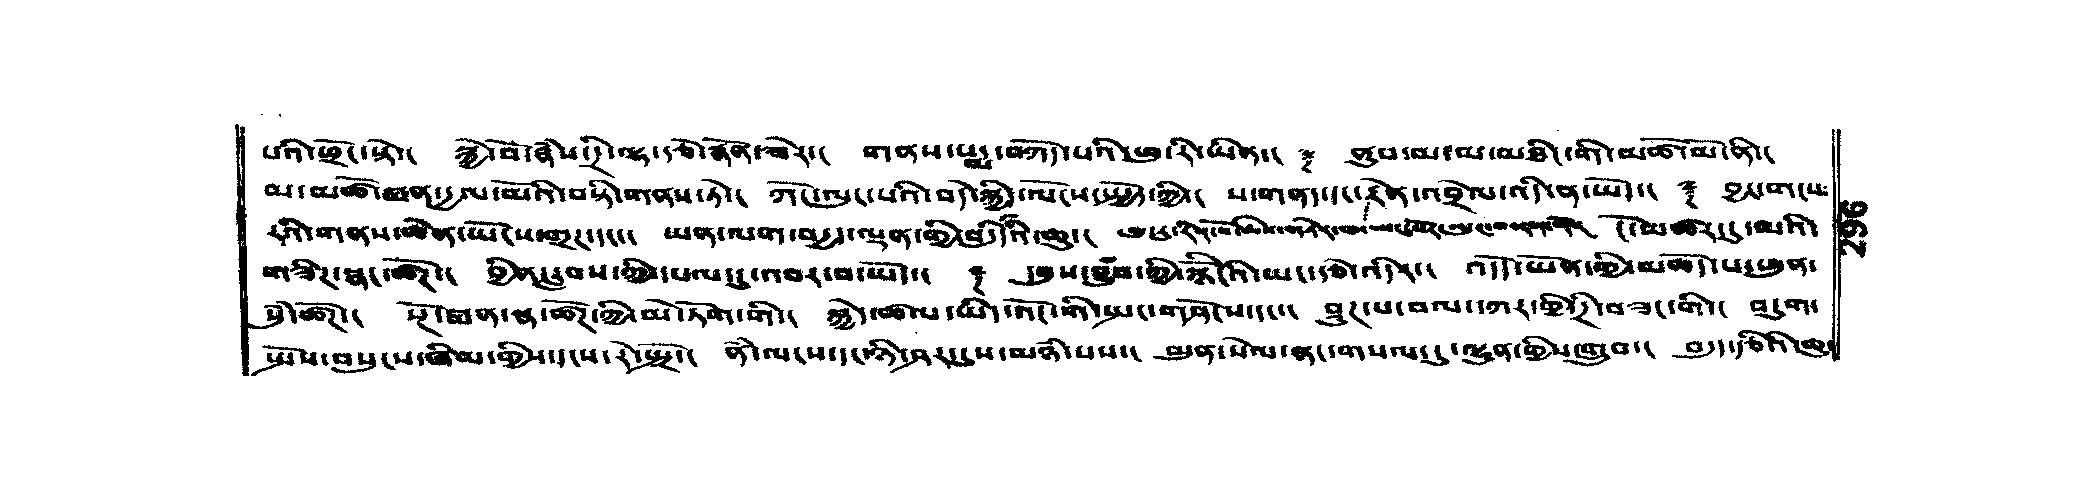པའི་ཕོ་བྲང་སྟེ། །སྐྱེ་བོ་རྣམས་དྲི་ལྷ་རྩེ་རྣོན་ཟེར། །གནས་པདྨ་བཀོད་པའི་ཕུ་རི་ཡིན། །ནུབ་མ་མ་མཐིང་གི་མཚོ་མོ་ནི། །
མ་མཚོ་སྨན་རྒྱལ་མོའི་བསྟི་གནས་ཏེ། །ཀོང་ལུང་པའི་བདེ་སྐྱིད་ལོངས་སྤྱོད་ཀྱི། ས་གནད་དང་རྟེན་འབྲེལ་འདི་ན་ཡོད། །བྱང་གངས་
རིའི་གནས་ཆེན་ཡོངས་གྲགས་དང་། །ཡན་ལག་བརྒྱད་ལྡན་གྱི་བདུད་རྩིའི་ཆུ། །ངོ་མཚར་དུ་མའི་
གཟིགས་སྣང་ཚོགས། །བྱིན་རླབས་ཀྱི་དཔལ་དུ་འབར་བ་ཡོད། །དབུས་བྱང་ཆུབ་ཀྱི་སྙིང་པོའི་ཡང་རྩེ་འདིར། །འདོད་ཡོན་གྱི་མཆོད་པ་ཕུན་
སུམ་ཚོགས། །སྔོ་སྨན་སྣ་ཚོགས་ཀྱི་མེ་ཏོག་གི །སྐྱེད་ཚལ་ཡིད་འོང་གི་སྤང་གཤོངས་དང་། །ཤུག་པ་བལ་དཀར་གྱི་དྲི་བཟང་གི །བདུག་
སྤོས་བསུང་ཞིམ་གྱི་དྭངས་རེ་སྤྲོ། །ནམ་ལངས་དང་ཉི་ཤར་དུས་མཉམ་པས། །མུན་སེལ་ནང་གསལ་དུ་ལྷུན་གྱི་གྲུབ། །བདུད་རྩིའི་ཆུ་